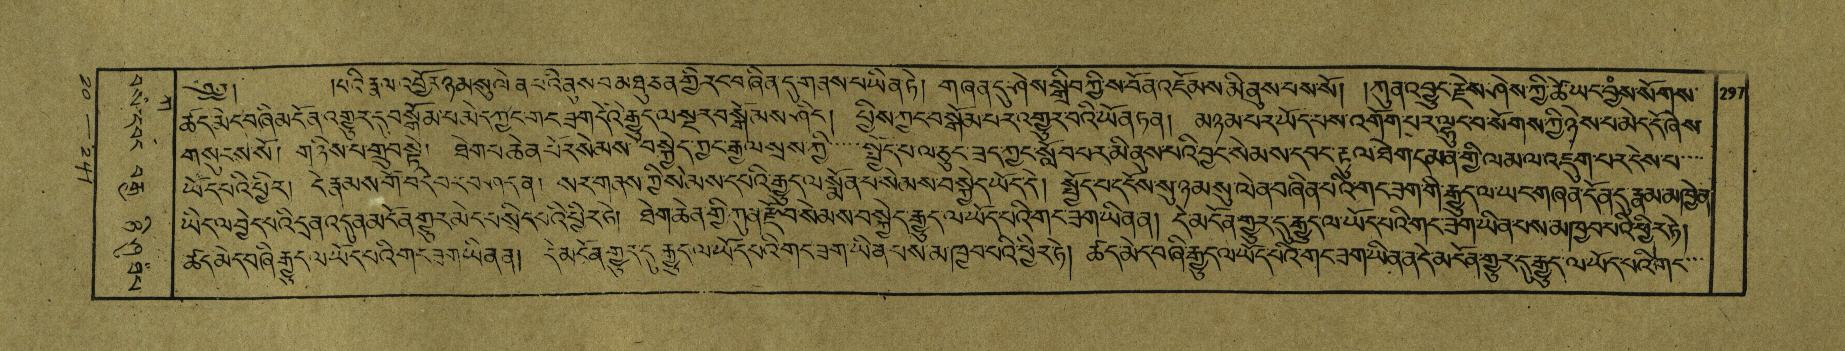༄༅། །པའི་རྣལ་འབྱོར་ཉམ་སུ་ལེན་པའི་ནུས་བ་མཐུ་ཅན་གྱི་རང་བཞིན་དུ་གནས་པ་ཡིན་ཏེ། གཞན་དུ་ཤེས་སྒྲིབ་ཀྱི་ས་བོན་འཇོམས་མི་ནུས་པས་སོ། །ཀུན་འབྱུང་རྗེས་ཤེས་ཀྱི་ཚེ་ཡང་བྱཾས་སོགས་
ཚད་མེད་བཞི་མངོན་འགྱུར་དུ་བསྒོམ་པ་མེད་ཀྱང་གང་ཟག་དེའི་རྒྱུད་ལ་སྔར་བསྒོམས་ཤིང་། ཕྱིས་ཀྱང་བསྒོམ་པར་འགྱུར་བའི་ཡོན་ཏན། མཉམ་པར་ཡོད་པས་འགོག་པར་ལྷུང་བ་སོགས་ཀྱི་ཉེས་པ་མེད་དོ་ཞེས་
གསུངས་སོ། གཉིས་པ་གྲུབ་སྟེ། ཐེག་པ་ཆེན་པོར་སེམས་བསྐྱེད་ཀྱང་རྒྱལ་སྲས་ཀྱི་སྤྱོད་པ་ལ་ཅུང་ཟད་ཀྱང་སློབ་པར་མི་ནུས་པའི་བྱང་སེམས་དབང་རྟུལ་ཐེག་དམན་གྱི་ལམ་ལ་འཇུག་པར་ངེས་པ་
ཡོད་པའི་ཕྱིར། དེ་རྣམས་གོ་བདེ་བར་བཤད་ན། སར་གནས་ཀྱི་སེམས་དཔའི་རྒྱུད་ལ་སྨོན་པ་སེམས་བསྐྱེད་ཡོད་དེ། སྤྱོད་པ་དངོས་སུ་ཉམ་སུ་ལེན་བཞིན་པའི་གང་ཟག་གི་རྒྱུད་ལ་ཡང་གཞན་དོན་དུ་རྣམ་མཁྱེན་
ཡིད་ལ་བྱེད་པའི་དྲན་འདུན་མངོན་གྱུར་མེད་པ་སྲིད་པའི་ཕྱིར་ཏེ། ཐེག་ཆེན་གྱི་ཀུན་རྫོབ་སེམས་བསྐྱེད་རྒྱུད་ལ་ཡོད་པའི་གང་ཟག་ཡིན་ན། དེ་མངོན་གྱུར་དུ་རྒྱུད་ལ་ཡོད་པའི་གང་ཟག་ཡིན་པས་མཁྱབ་པའི་ཕྱིར་ཏེ།
ཚད་མེད་བཞི་རྒྱུད་ལ་ཡོད་པའི་གང་ཟག་ཡིན་ན། དེ་མངོན་གྱུར་དུ་རྒྱུད་ལ་ཡོད་པའི་གང་ཟག་ཡིན་པས་མ་ཁྱབ་པའི་ཕྱིར་ཏེ། ཚད་མེད་བཞི་རྒྱུད་ལ་ཡོད་པའི་གང་ཟག་ཡིན་ན་དེ་མངོན་གྱུར་དུ་རྒྱུད་ལ་ཡོད་པའི་གང་